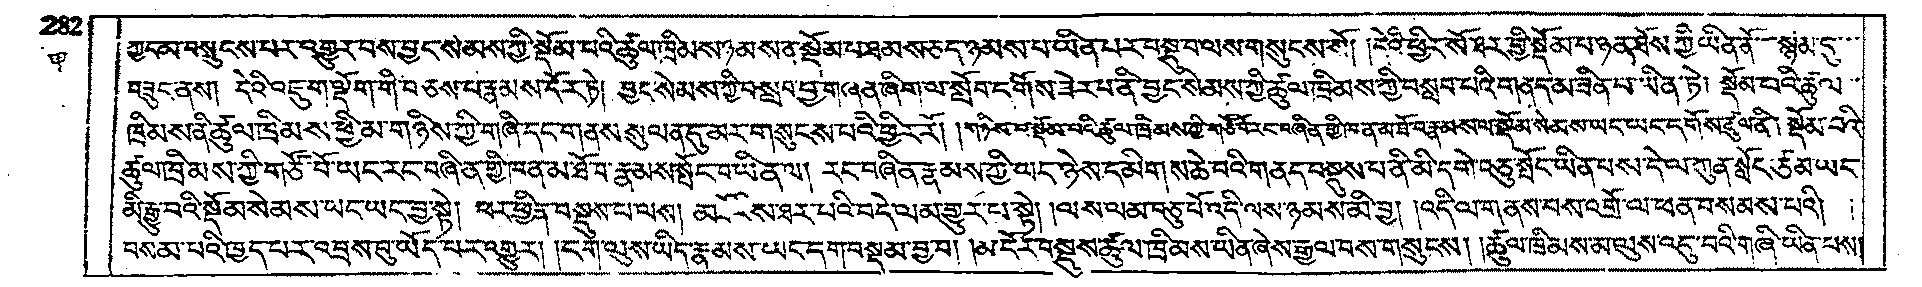ཀྱང་མ་བསྲུངས་པར་འགྱུར་བས་བྱང་སེམས་ཀྱི་སྡོམ་པའི་ཚུལ་ཁྲིམས་ཉམས་ན་སྡོམ་པ་ཐམས་ཅད་ཉམས་པ་ཡིན་པར་བསྡུ་བ་ལས་གསུངས་སོ། །དེའི་ཕྱིར་སོ་ཐར་གྱི་སྡོམ་པ་ཉན་ཐོས་ཀྱི་ཡིན་ནོསྙམ་དུ་
བཟུང་ནས། དེའི་འཇུག་ལྡོག་གི་བཅས་པ་རྣམས་དོར་ཏེ། བྱང་སེམས་ཀྱི་བསླབ་བྱ་གཞན་ཞིག་ལ་སློབ་དགོས་ཟེར་པ་ནི་བྱང་སེམས་ཀྱི་ཚུལ་ཁྲིམས་ཀྱི་བསླབ་པའི་གནད་མ་ཟིན་པ་ཡིན་ཏེ། སྡོམ་པའི་ཚུལ་
ཁྲིམས་ནི་ཚུལ་ཁྲིམས་ཕྱི་མ་གཉིས་ཀྱི་གཞི་དང་གནས་སུ་ལན་དུ་མར་གསུངས་པའི་ཕྱིར་རོ། །གཉིས་པ་སྡོམ་པའི་ཚུལ་ཁྲིམས་ཀྱི་གཙོ་བོ་རང་བཞིན་གྱི་ཁ་ན་མ་ཐོ་བ་རྣམས་ལ་སྡོམ་སེམས་ཡང་ཡང་དགོས་ཚུལ་ནི། སྡོམ་བའི་
ཚུལ་ཁྲིམས་ཀྱི་གཙོ་བོ་ཡང་རང་བཞིན་གྱི་ཁ་ན་མ་ཐོ་བ་རྣམས་སྤོང་བ་ཡིན་ལ། རང་བཞིན་རྣམས་ཀྱི་ཡང་ཉེས་དམིགས་ཆེ་བའི་གནད་བསྡུས་པ་ནི་མི་དགེ་བཅུ་སྤོང་ཡིན་པས་དེ་ལ་ཀུན་སློང་ཙམ་ཡང་
མི་རྒྱུ་བའི་སྡོམ་སེམས་ཡང་ཡང་བྱ་སྟེ། ཕར་ཕྱིན་བསྡུས་པ་ལས། མཐོ་རིས་ཐར་པའི་བདེ་ལམ་གྱུར་པ་སྟེ། །ལས་ལམ་བཅུ་པོ་འདི་ལས་ཉམས་མི་བྱ། །འདི་ལ་གནས་པས་འགྲོ་ལ་ཕན་བསམས་པའི། །
བསམ་པའི་ཁྱད་པར་འབྲས་བུ་ཡོད་པར་འགྱུར། །ངག་ལུས་ཡིད་རྣམས་ཡང་དག་བསྡམ་བྱ་བ། །མདོར་བསྡུས་ཚུལ་ཁྲིམས་ཡིན་ཞེས་རྒྱལ་བས་གསུངས། །ཚུལ་ཁྲིམས་མ་ལུས་འདུ་བའི་གཞི་ཡིན་པས།